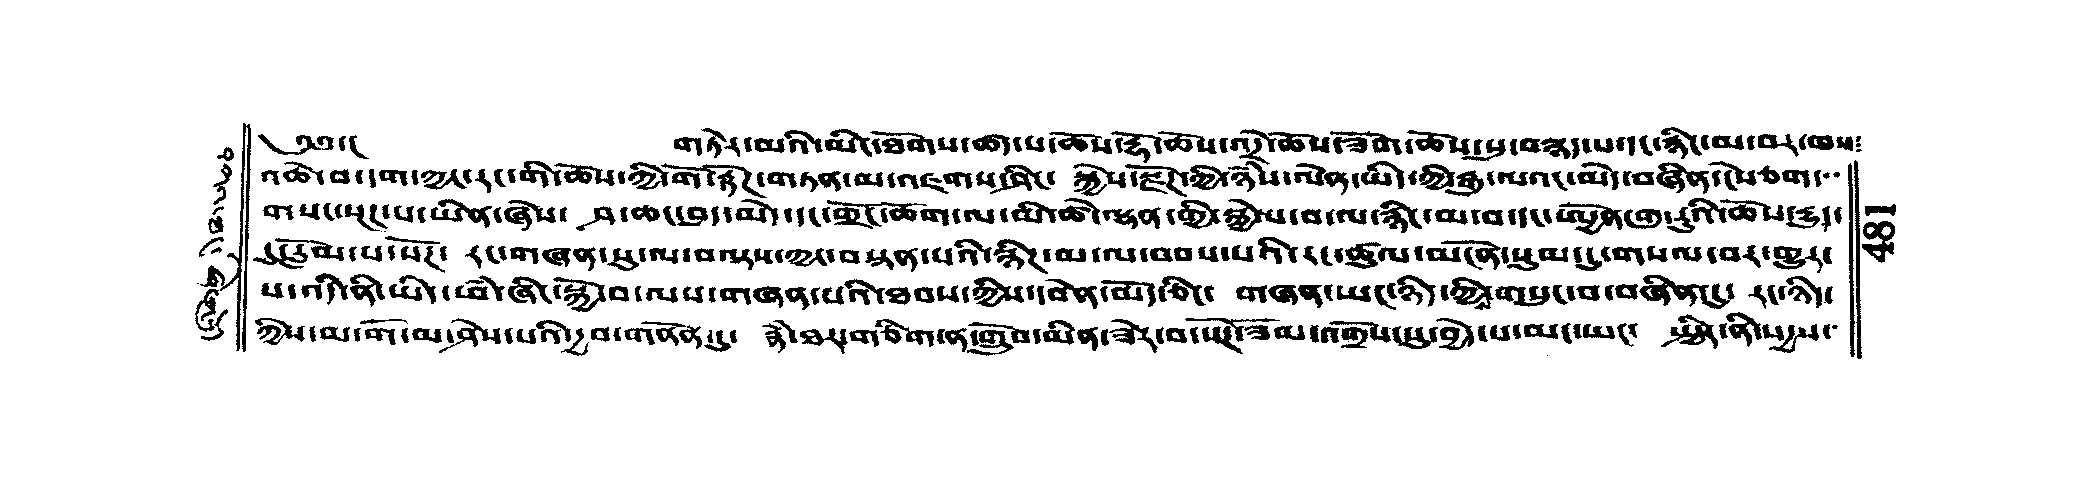གཏེར་མའི་མིང་ཐོགས་ཚད་ས་ཆོས་རྡོ་ཆོས་འདྲེ་ཆོས་ཟོག་ཆོས་སུ་བསྙད་པ་དག་རྙིང་མ་བར་ཁས་
འཆེ་བ་དག་ཀྱང་རང་གི་ཆོས་ཀྱི་གོ་རྟོགས་གཏན་མ་འཇགས་ཤིང་། བསྐྱེད་རྫོགས་ཀྱི་ཉམས་ལེན་ཡིད་ཀྱི་རྒུད་ལའང་མེད་བཞིན་ངེད་ཅག་
གསང་སྔགས་པ་ཡིན་ཞེས། ཤ་ཆང་བུད་མེད་དང་གྲོང་ཆོག་ལ་མི་ཚེ་ལྷན་གྱི་སྐྱེལ་བ་ལ་རྙིང་མ་བ་དང་ཨོ་རྒྱན་གུ་རུའི་ཆོས་རྒྱུད་
དུ་རློམ་པ་སོགས། རང་གཞན་སུ་ལ་བལྟས་ཀྱང་བསྟན་པའི་སྙིགས་མ་ལ་བབས་པའི་རང་ཚུལ་མངོན་སུམ་དུ་གསལ་བར་གྱུར་
པ་འདི་ནི་ཡིད་ཕམ་ཞིང་སྐྱོ་བ་ལས་གཞན་པའི་ཐབས་ཀྱིས་དབེན་མོད་ཅིང་། གཞན་ཡང་ཉིད་ཀྱིས་གསུངས་བ་བཞིན་དུ། རང་ཉིད་
ཀྱིས་མ་གོ་མ་ཤེས་པའི་རྒྱབ་གནོན་དུ། རྣམ་ཐར་གཅིག་ན་གྲུབ་ཐོབ་མིན་ཟེར་བ་སོགས་ཟོམ་འགྲོས་སུ་བྱེད་པ་མང་ཡང་། སྤྱིར་ནི་སངས་རྒྱས་